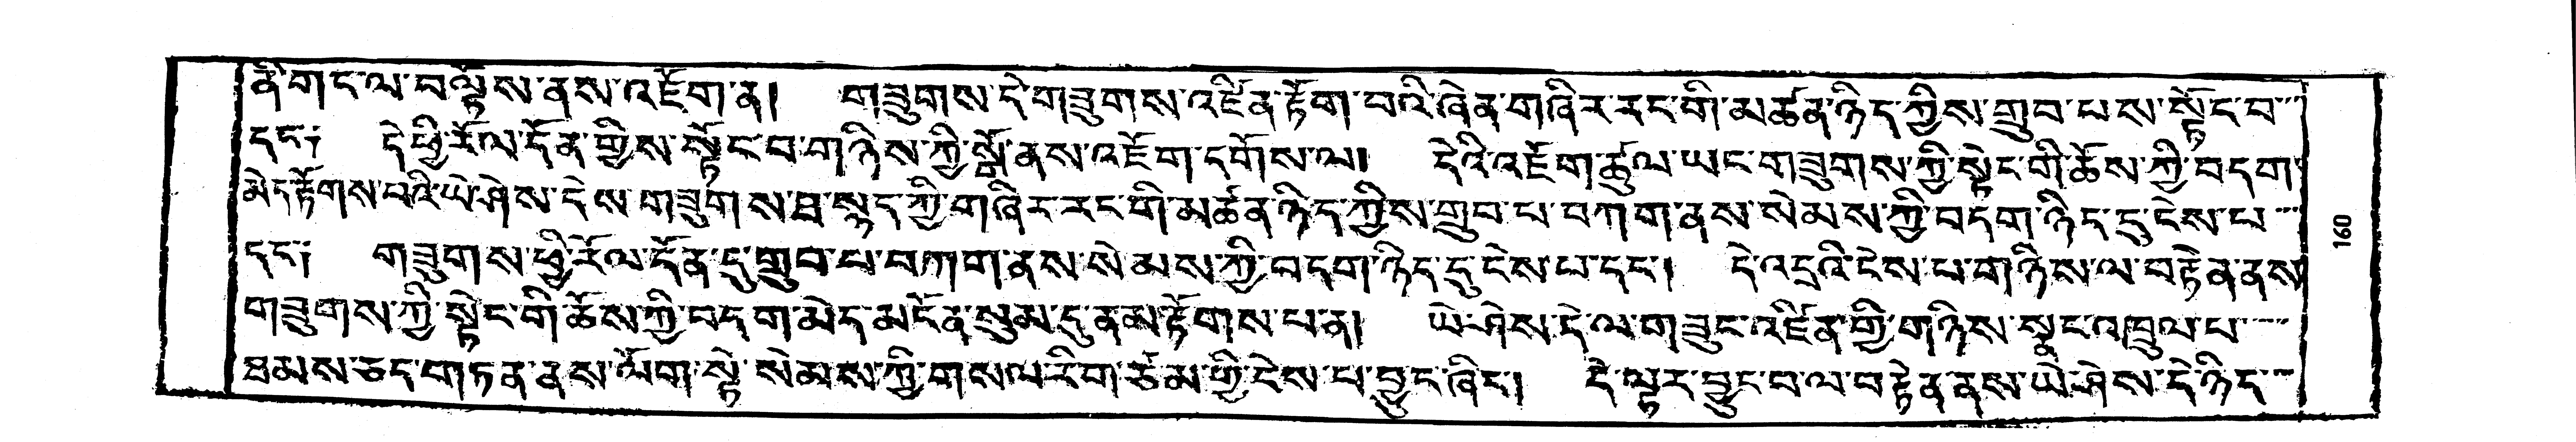ནི་གང་ལ་བལྟོས་ནས་འཇོག་ན། གཟུགས་དེ་གཟུགས་འཛིན་རྟོག་པའི་ཞེན་གཞིར་རང་གི་མཚན་ཉིད་ཀྱིས་གྲུབ་པས་སྟོང་བ་
དང་། དེ་ཕྱི་རོལ་དོན་གྱིས་སྟོང་པ་གཉིས་ཀྱི་སྒོ་ནས་འཇོག་དགོས་ལ། དེའི་འཇོག་ཚུལ་ཡང་གཟུགས་ཀྱི་སྟེང་གི་ཆོས་ཀྱི་བདག་
མེད་རྟོགས་པའི་ཡེ་ཤེས་དེས་གཟུགས་ཐ་སྙད་ཀྱི་གཞིར་རང་གི་མཚན་ཉིད་ཀྱིས་གྲུབ་པ་བཀག་ནས་སེམས་ཀྱི་བདག་ཉིད་དུ་ངེས་པ་
དང་། གཟུགས་ཕྱི་རོལ་དོན་དུ་གྲུབ་པ་བཀག་ནས་སེམས་ཀྱི་བདག་ཉིད་དུ་ངེས་པ་དང་། དེ་འདྲའི་ངེས་པ་གཉིས་ལ་བརྟེན་ནས་
གཟུགས་ཀྱི་སྟེང་གི་ཆོས་ཀྱི་བདག་མེད་མངོན་སུམ་དུ་ན་མ་རྟོགས་པ་ན། ཡེ་ཤེས་དེ་ལ་གཟུང་འཛིན་གྱི་གཉིས་སྣང་འཁྲུལ་པ་
ཐམས་ཅད་གཏན་ནས་ལོག་སྟེ་སེམས་ཀྱི་གསལ་རིག་ཙམ་གྱི་ངེས་པ་བྱུང་ཞིང་། དེ་ལྟར་བྱུང་བ་ལ་བརྟེན་ནས་ཡེ་ཤེས་དེ་ཉིད་